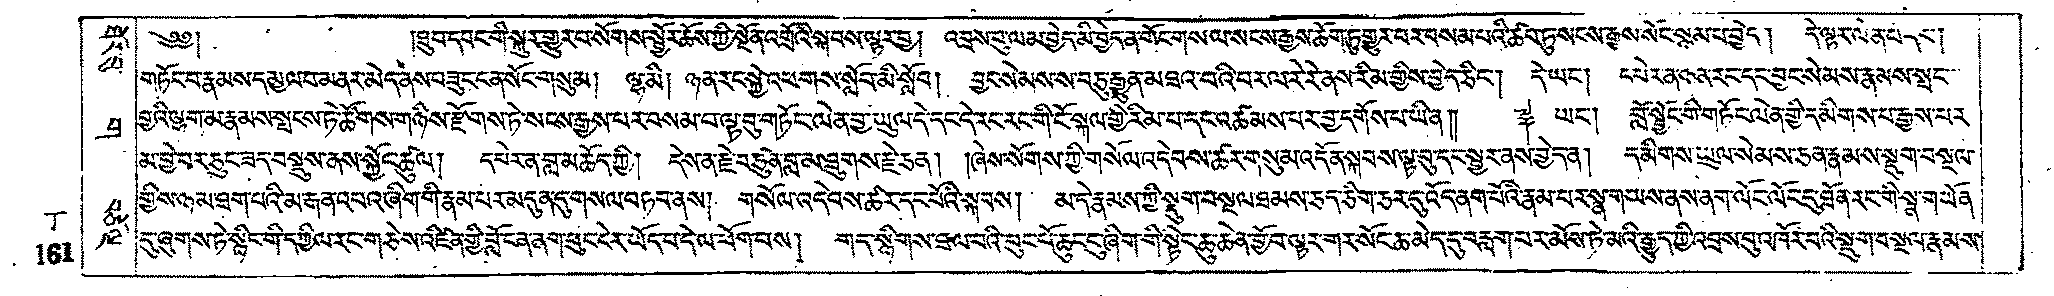༄༅། །ཐུབ་དབང་གི་སྐུར་གྱུར་པ་སོགས་སྦྱོར་ཆོས་ཀྱི་སྔོན་འགྲོའི་སྐབས་ལྟར་བྱ། འབྲས་བུ་ལམ་བྱེད་མི་བྱེད་ན་གོང་གསལ་སངས་རྒྱས་ཆོག་ཏུ་གྱུར་པར་བསམ་པའི་ཚབ་ཏུ་སངས་རྒྱས་སོང་སྙམ་པ་བྱེད། དེ་ལྟར་ལེན་པ་དང་།
གཏོང་བ་རྣམས་དམྱལ་བ་མནར་མེད་ནས་བཟུང་ངན་སོང་གསུམ། ལྷ་མི། ཉན་རང་སྐྱེ་འཕགས་སློབ་མི་སློབ། བྱང་སེམས་བཅུ་རྒྱུན་མཐའ་བའི་བར་ལ་རེ་རེ་ནས་རིམ་གྱིས་བྱེད་ཅིང་། དེ་ཡང་། དཔེར་ན་ཉན་རང་དང་བྱང་སེམས་རྣམས་སྤང་་་
བྱའི་ལྷག་མ་རྣམས་སྤངས་ཏེ་ཚོགས་གཉིས་རྫོགས་ཏེ་སངས་རྒྱས་པར་བསམ་པ་ལྟ་བུ་གཏོང་ལེན་བྱ་ཡུལ་དེ་དང་དེ་རང་རང་གི་ངོ་སྐལ་གྱི་རིམ་པ་དང་འཚམས་པར་བྱ་དགོས་པ་ཡིན།། འ་ཡང་། བློ་སྦྱོང་གི་གཏོང་ལེན་གྱི་དམིགས་པ་རྒྱས་པར་
མ་ཕྱེ་བར་ཅུང་ཟད་བསྡུས་ནས་སྐྱོང་ཚུལ། དཔེར་ན་བླ་མཆོད་ཀྱི། དེས་ན་རྗེ་བཙུན་བླ་མ་ཐུགས་རྗེ་ཅན། །ཞེས་སོགས་ཀྱི་གསོལ་འདེབས་ཚར་གསུམ་འདོན་སྐབས་ལྟ་བུ་དང་སྦྱར་ནས་བྱེད་ན། དམིགས་ཡུལ་སེམས་ཅན་རྣམས་སྡུག་བསྔལ་
གྱིས་ཉམ་ཐག་པའི་མ་རྒན་འབའ་ཞིག་གི་རྣམ་པར་མདུན་དུ་གསལ་བཏབ་ནས། གསོལ་འདེབས་ཚར་དང་པོའི་སྐབས། མ་དེ་རྣམས་ཀྱི་སྡུག་བསྔལ་ཐམས་ཅད་ཅིག་ཅར་དུ་འོད་ནག་པོའི་རྣམ་པར་སྣ་གཡས་ནས་ནག་ལོང་ལོང་དུ་ཐོན་རང་གི་སྣ་གཡོན་
དུ་ཞུགས་ཏེ་སྙིང་གི་དཀྱིལ་རང་གཅེས་འཛིན་གྱི་བློ་ངན་ནག་ཕུང་ངེར་ཡོད་པ་དེ་ལ་ཕོག་པས། གད་སྙིགས་ཐལ་བའི་ཕུང་པོ་ཆུང་ངུ་ཞིག་གི་སྟེང་ཆུ་ཆེན་བྱོ་བ་ལྟར་གར་སོང་ཆ་མེད་དུ་བརླག་པར་མོས་ཏེ་མའི་རྒྱུད་ཀྱི་འབྲས་བུ་འཁོར་བའི་སྡུག་བསྔལ་རྣམས་